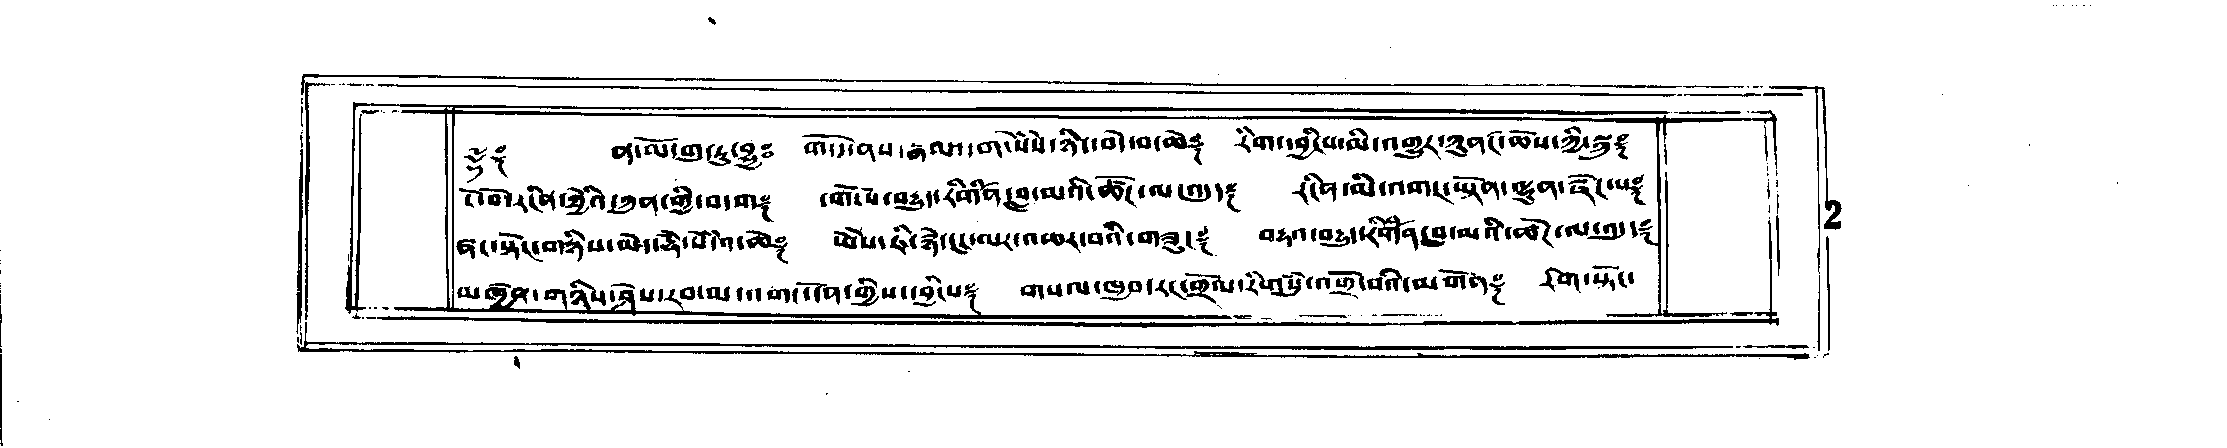༈ ན་མོ་གུ་རུ་བྷྱཿ གདོད་ནས་རྣམ་དག་སེམས་ཉིད་བདེ་བ་ཆེ། །རིག་དབྱིངས་མི་འགྱུར་ཀུན་བཟང་ཆོས་ཀྱི་སྐུ། །
ངོ་བོ་རང་བཞིན་ཐུགས་རྗེའི་ཀུན་གྱི་བདག །དགོངས་བརྒྱུད་རིག་འཛིན་བླ་མའི་ཚོགས་ལ་འདུད། །རང་བཞིན་མི་འགགས་ཡོན་ཏན་ལྷུན་རྫོགས་པ། །
སྣང་སྟོང་གཉིས་མེད་རྡོ་རྗེ་སེམས་དཔའ་ཆེ། །ཡེ་ཤེས་ཇི་སྙེད་དུ་མར་འཆར་བའི་གཟུགས། །བརྡ་བརྒྱུད་རིག་འཛིན་བླ་མའི་ཚོགས་ལ་འདུད། །
མཁྱེན་གཉིས་ཤེས་རབ་མ་འགགས་དོན་གྱི་དབྱིངས། །གསལ་ཁྱབ་རང་གྲོལ་རིགས་གསུམ་འགྲོ་བའི་མགོན། །རིག་སྟོང་